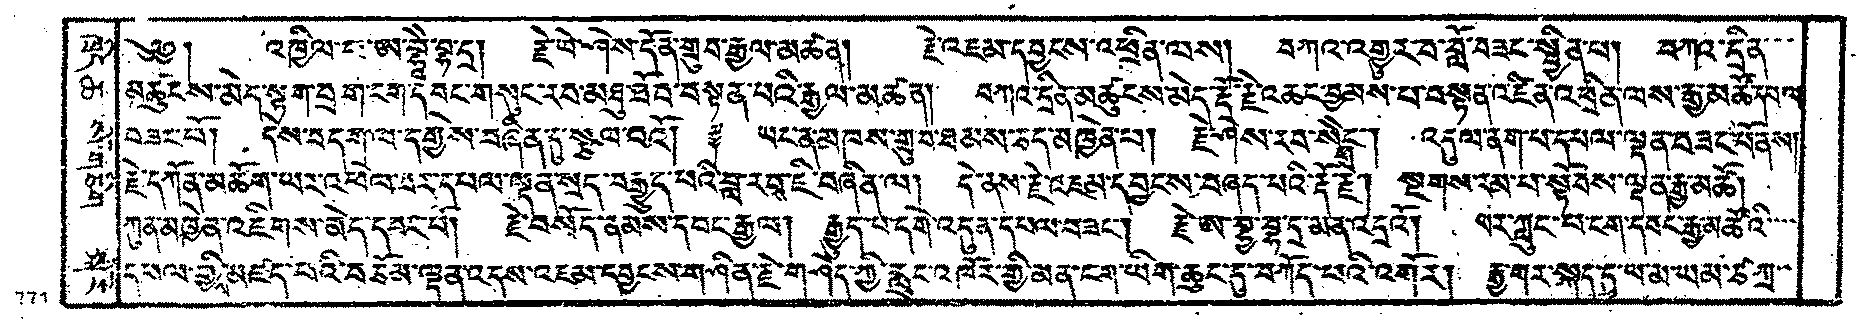༄༅། །འཁྱིལ་པ་ཨ་བྷEཨེ་བྷ་དྲ། རྗེ་ཡེ་ཤེས་དོན་གྲུབ་རྒྱལ་མཚན། རྗེ་འཇམ་དབྱངས་འཕྲིན་ལས། བཀའ་འགྱུར་བ་བློ་བཟང་སྦྱིན་པ། བཀའ་དྲིན་
མཚུངས་མེད་སྟག་བྲག་ངག་དབང་གསུང་རབ་མཐུ་ཐོབ་བསྟན་པའི་རྒྱལ་མཚན། བཀའ་དྲིན་མཚུངས་མེད་རྡོ་རྗེ་འཆང་བྱམས་པ་བསྟན་འཛིན་འཕྲིན་ལས་རྒྱ་མཚོ་དཔལ་
བཟང་པོ། དེས་བདག་ལ་དགྱེས་བཞིན་དུ་སྩལ་བའོ། ༈ ཡང་ན་མཁས་གྲུབ་ཐམས་ཅད་མཁྱེན་པ། རྗེ་ཤེས་རབ་སེངྒེ། འདུལ་ནག་པ་དཔལ་ལྡན་བཟང་པོ་ནས།
རྗེ་དཀོན་མཆོག་ཡར་འཕེལ་བར་དཔལ་ལྡན་སྲད་བརྒྱུད་པའི་བླ་རབས་ཇི་བཞིན་ལ། དེ་ནས་རྗེ་འཇམ་དབྱངས་བཞད་པའི་རྡོ་རྗེ། སྔགས་རམ་པ་སྟོབས་ལྡན་རྒྱ་མཚོ།
ཀུན་མཁྱེན་འཇིགས་མེད་དབང་པོ། རྗེ་བསོད་ནམས་དབང་རྒྱལ། རྒྱུད་པ་དགེ་འདུན་དཔལ་བཟང་། རྗེ་ཨ་བྷྱ་བྷ་དྲ་མན་འདྲའོ། ཡར་ཀླུང་པ་ངག་དབང་རྒྱ་མཚོའི་
དཔལ་གྱིས་མཛད་པའི་བཅོམ་ལྡན་འདས་འཇམ་དབྱངས་གཤིན་རྗེ་གཤེད་ཀྱི་རླུང་འཁོར་གྱི་མན་ངག་ཡིག་ཆུང་དུ་བཀོད་པའི་འགོར། རྒྱ་གར་སྐད་དུ་ཡ་མ་ཡམ་ཙཀྲ་